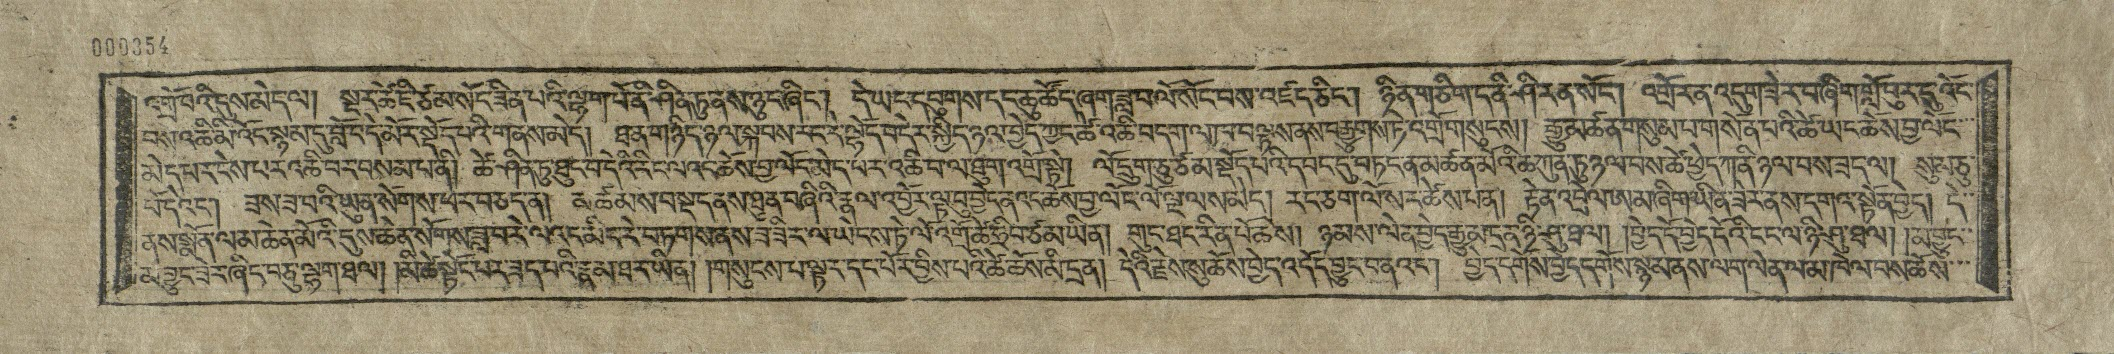འགྲོ་བའི་དུས་མེད་ལ། སྔར་ཚེ་?་ཇི་ཙམ་སོང་ཟིན་པའི་ལྷག་པོ་ནི་ཤིན་ཏུ་ནས་ཉུང་ཞིང་། དེ་ཡང་དབུགས་དང་ཆུ་ཚོད་ཞག་ཟླ་བ་ལོ་སོང་བས་འཛད་ཅིང་། ཉིན་གཅིག་ད་ནི་ཤི་རན་སོང་། འགྲོ་རན་འདུག་ཟེར་བ་ཞིག་གློ་བུར་དུ་འོང་
བས་འཆི་མི་འོང་སྙམ་དུ་བློ་བདེ་མོར་སྡོད་པའི་གནས་མེད། ཐ་ན་གཉིད་ཉལ་སྐབས་རང་རེ་ལྷོད་བདེར་སྐྱིད་ཉལ་བྱེད་ཀྱང་ཚེ་འཆི་བདག་ལ་ཁ་བལྟས་ནས་བརྒྱུགས་ཏེ་འགྲོ་གསུངས། རྒྱུ་མཚན་གསུམ་པ་གསོན་པའི་ཚེ་ཡང་ཆོས་བྱ་ལོང་
མེད་པར་ངེས་པར་འཆི་བར་བསམ་པ་ནི། ཚེ་ཤིན་ཏུ་ཐུང་བ་དེའི་རིང་ལའང་ཆོས་བྱ་ལོང་མེད་པར་འཆི་བ་ལ་ཐུག་འགྲོ་སྟེ། ལོ་དྲུག་ཅུ་ཙམ་སྡོད་པའི་དབང་དུ་བཏང་ན་མཚན་མོའི་ཆ་ཀུན་ཏུ་ཉལ་བས་ཚེ་ཕྱེད་ཀ་ནི་ཉལ་བས་ཟད་ལ། སུམ་ཅུ་
པོ་དེའང་། ཟས་ཟ་བའི་ཡུན་སོགས་ཕར་བཅད་ན། མཚམས་བསྡད་ནས་ཐུན་བཞིའི་རྣལ་འབྱོར་ལྟ་བུ་བྱེད་ནའང་ཆོས་བྱ་ལོང་ལོ་ལྔ་ལས་མེད། རང་ཅག་ལོ་སར་ཚེས་པ་ན། རྟེན་འབྲེལ་ཨམ་?་ཞིག་ཡིན་ཟེར་ནས་དགའ་སྟོན་བྱེད། དེ་
ནས་སྨོན་ལམ་ཆེན་མོའི་དུས་ཆེན་སོགས་ཟླ་བ་རེ་ལའང་མིང་རེ་བཏགས་ནས་ཟ་ཟིར་ལ་ཡེངས་ཏེ་ལོ་འགྲོ་ཚེ་ཧྲིབ་ཙམ་ཡིན། གུང་ཐང་རིན་པོ་ཆེས། ཉམས་ལེན་བྱེད་རྒྱུ་མ་དྲན་ཉི་ཤུ་ཐལ། །བྱེད་དོ་བྱེད་དོའི་ངང་ལ་ཉི་ཤུ་ཐལ། །མ་བྱུང་
མ་བྱུང་ཟེར་ཞིང་བཅུ་ལྷག་ཐལ། །མི་ཚེ་སྟོང་པར་ཟད་པའི་རྣམ་ཐར་ཡིན། །གསུངས་པ་ལྟར་དང་པོར་བྱིས་པའི་ཚེ་ཆོས་མི་དྲན། དེའི་རྗེས་སུ་ཆོས་བྱེད་འདོད་བྱུང་བ་ནའང་། བྱེད་དགོས་བྱེད་དགོས་སྙམ་ནས་ལག་ལེན་ལ་མ་ཁེལ་བས་ཆོས་